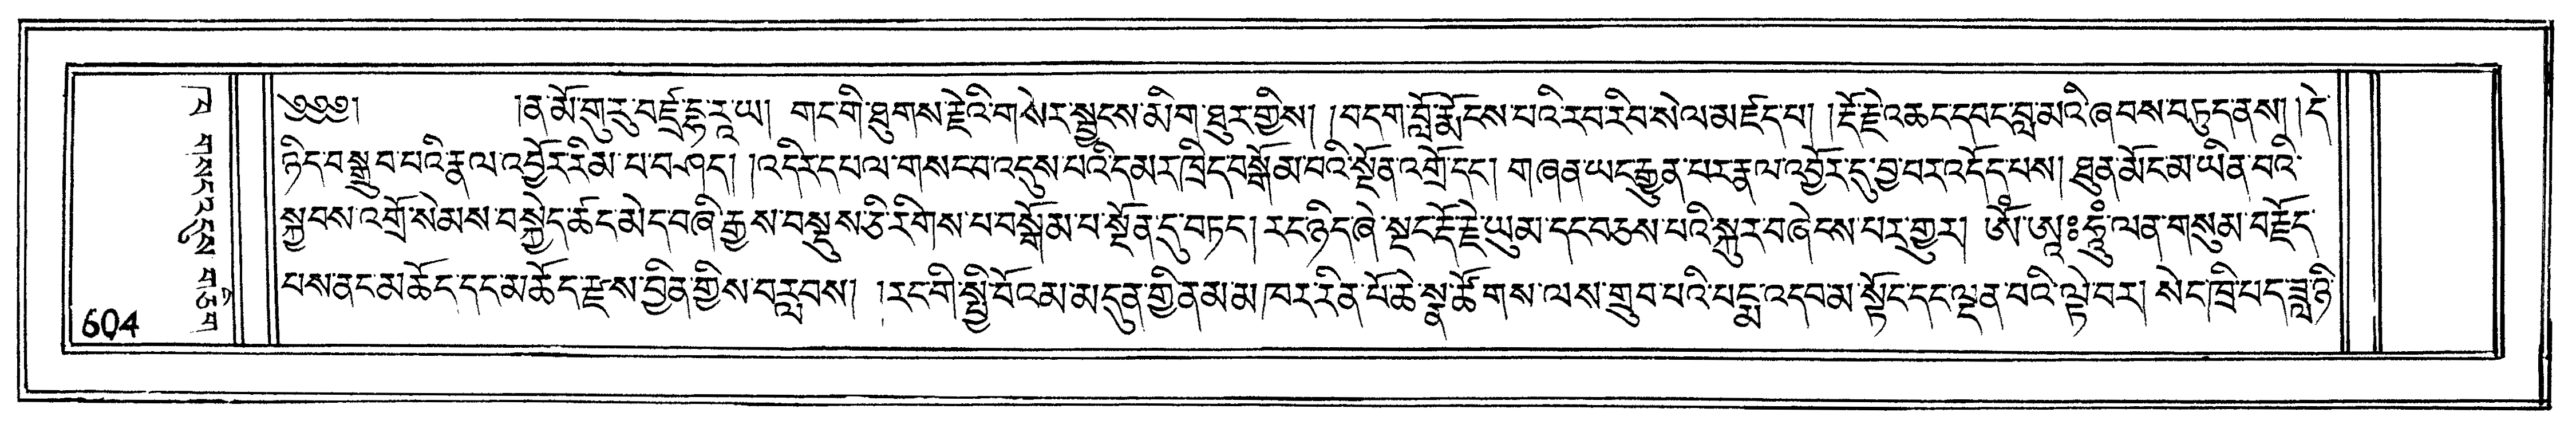༄༅༅། །ན་མོ་གུ་རུ་བཛྲ་དྷ་རཱ་ཡ། གང་གི་ཐུགས་རྗེའི་གསེར་སྦྱངས་མིག་ཐུར་གྱིས། །བདག་བློ་རྨོངས་པའི་རབ་རིབ་སེལ་མཛད་པ། །རྡོ་རྗེ་འཆང་དབང་བླ་མའི་ཞབས་བཏུད་ནས། །དེ་
ཉིད་བསྒྲུབ་པའི་རྣལ་འབྱོར་རིམ་པ་བཤད། །འདིར་དཔལ་གསང་བ་འདུས་པའི་དམར་ཁྲིད་བསྒོམ་པའི་སྔོན་འགྲོ་དང་། གཞན་ཡང་རྒྱུན་པར་རྣལ་འབྱོར་དུ་བྱ་བར་འདོད་པས། ཐུན་མོང་མ་ཡིན་པའི་
སྐྱབས་འགྲོ་སེམས་བསྐྱེད་ཚད་མེད་བཞི་རྒྱས་བསྡུས་ཅི་རིགས་པ་བསྒོམ་པ་སྔོན་དུ་བཏང་། རང་ཉིད་ཞེ་སྡང་རྡོ་རྗེ་ཡུམ་དང་བཅས་པའི་སྐུར་བཞེངས་པར་གྱུར། ཨོཾ་ཨཱཿ ཧཱུཾ་ལན་གསུམ་བརྗོད་
པས་ནང་མཆོད་དང་མཆོད་རྫས་བྱིན་གྱིས་བརླབས། །རང་གི་སྤྱི་བོའམ་མདུན་གྱི་ནམ་མཁར་རིན་པོ་ཆེ་སྣ་ཚོགས་ལས་གྲུབ་པའི་པདམ་འདབ་མ་སྟོང་དང་ལྡན་པའི་ལྟེ་བར། སེང་ཁྲི་པད་ཟླ་ཉི་